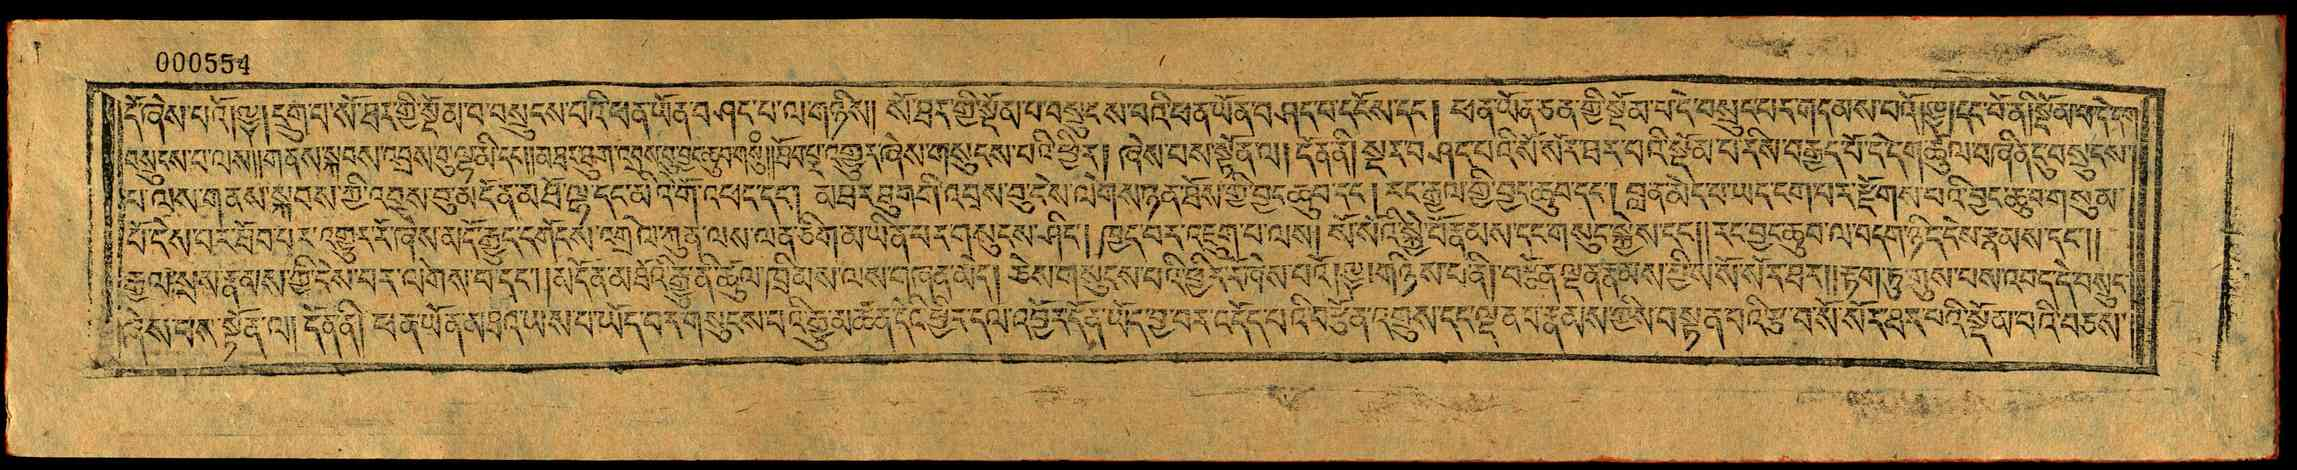དོ་ཞེས་པའོ། ༈ །དྲུག་པ་སོ་ཐར་གྱི་སྡོམ་པ་བསྲུངས་པའི་ཕན་ཡོན་བཤད་པ་ལ་གཉིས། སོ་ཐར་གྱི་སྡོམ་པ་བསྲུངས་པའི་ཕན་ཡོན་བཤད་པ་དངོས་དང་། ཕན་ཡོན་ཅན་གྱི་སྡོམ་པ་དེ་བསྲུང་བར་གདམས་པའོ། ༈ །དང་པོ་ནི། སྡོམ་པ་དེ་དག་
བསྲུངས་པ་ལས། །གནས་སྐབས་འབྲས་བུ་ལྷ་མི་དང་། །མཐར་ཐུག་འབྲས་བུ་བྱང་ཆུབ་གསུཾ། །ཐོབ་བར་འགྱུར་ཞེས་གསུངས་པའི་ཕྱིར། ཞེས་པས་སྟོན་ལ། དོན་ནི། སྔར་བཤད་པའི་སོ་སོར་ཐར་པའི་སྡོམ་པ་རིས་བརྒྱད་པོ་དེ་དག་ཚུལ་བཞིན་དུ་བསྲུངས་
པ་ལས་གནས་སྐབས་ཀྱི་འབྲས་བུ་མངོན་མཐོ་ལྷ་དང་མིའི་གོ་འཕང་དང་། མཐར་ཐུག་གི་འབྲས་བུ་ངེས་ལེགས་ཉན་ཐོས་ཀྱི་བྱང་ཆུབ་དང་། རང་རྒྱལ་གྱི་བྱང་ཆུབ་དང་། བླ་ན་མེད་པ་ཡང་དག་པར་རྫོགས་པའི་བྱང་ཆུབ་གསུམ་
ཐོབ་པར་འགྱུར་རོ་ཞེས་མདོ་རྒྱུད་དགོངས་འགྲེལ་ཀུན་ལས་ལན་ཅིག་མ་ཡིན་པར་གསུངས་ཤིང་། ཁྱད་པར་འཇུག་པ་ལས། སོ་སོའི་སྐྱེ་བོ་རྣམས་དང་གསུང་སྐྱེས་དང་། །རང་བྱང་ཆུབ་ལ་བདག་ཉིད་ངེས་རྣམས་དང་།
རྒྱལ་སྲས་རྣམས་ཀྱི་ངེས་པར་ལེགས་པ་དང་། །མངོན་མཐོའི་རྒྱུ་ནི་ཚུལ་ཁྲིམས་ལས་གཞན་མེད། ཅེས་གསུངས་པའི་ཕྱིར་རོ་ཞེས་པའོ། །གཉིས་པ་ནི། བརྩོན་ལྡན་རྣམས་ཀྱིས་སོ་སོར་ཐར། །རྟག་ཏུ་གུས་པས་འབད་དེ་བསྲུང་
ཞེས་པས་སྟོན་ལ། དོན་ནི། ཕན་ཡོན་མཐའ་ཡས་པ་ཡོད་པར་གསུངས་པའི་རྒྱུ་མཚན་དེའི་ཕྱིར་དལ་འབྱོར་དོན་ཡོད་བྱ་བར་འདོད་པའི་བརྩོན་འགྲུས་དང་ལྡན་པ་རྣམས་ཀྱིས་བསྟན་པའི་རྩ་བ་སོ་སོར་ཐར་པའི་སྡོམ་པའི་བཅས་